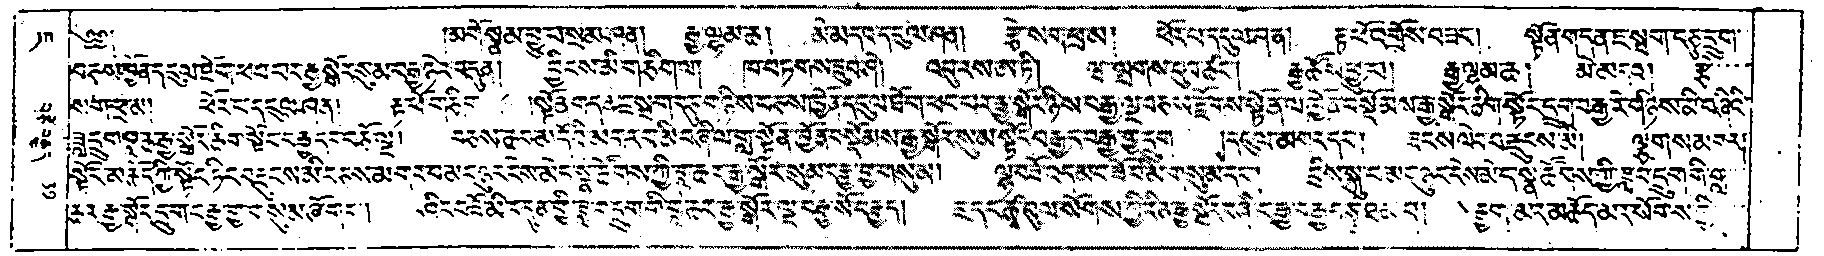༄༅། །མགོ་སྣམ་ཕྱུ་པ་སྲམ་ཤན། རྒྱ་ལྷམ་ཆ། མེ་མདའ་དངུལ་ཤན། རྩེ་སག་ཕྲ་མ། ཕོར་པ་དངུལ་ཤན། རྟ་ཕོ་འགྲོས་བཟང་། སྟོན་གདན་ཇ་སྦག་བཅུ་དྲུག་
བཅས་ཁྱོན་དངུལ་ཐོག་ཕབ་པར་རྒྱ་སྒོར་སུམ་བརྒྱ་ཉེར་བདུན། བྱིངས་མི་གཅིག་ལ། ཁ་བཏགས་ཟུབ་ཤེ། འབུ་རས་ཨ་ཏི། ཝ་ལྤགས་བུབ་ཚང་། རྒྱ་ཚོས་ཕྱུ་པ། རྒྱ་ལྷམ་ཆ། མེ་མདའ། རྩེ་
སག་ཕྲ་མ། ཕོར་པ་དངུལ་ཤན། རྟ་ཕོ་གཅིག །སྟོན་གདན་ཇ་སྦག་བཅུ་གཉིས་བཅས་ཁྱོན་དངུལ་ཐོག་ཕབ་པར་རྒྱ་སྒོར་ཉིས་བརྒྱ་ལྔ་བཅས་རྫོགས་སྟོན་ལ་ཁྱོན་བསྡོམས་རྒྱ་སྒོར་ཆིག་སྟོང་དྲུག་བརྒྱ་རེ་གཉིས་མི་བཞིའི་
ཟླ་དྲུག་གླ་ཆ་རྒྱ་སྒོར་ཆིག་སྟོང་བརྒྱ་དང་བཅོ་ལྔ། བཅས་ཆབ་མདོའི་མགར་བ་མི་བཞི་ལ་གླ་སྟོན་ཁྱོན་བསྡོམས་རྒྱ་སྒོར་སུམ་སྟོང་བརྒྱད་བརྒྱ་གྱ་དྲུག །དངུལ་མགར་དང་། ཟངས་ལེབ་བརྡུངས་མི། ལྕགས་མགར།
སྟོང་མཆོད་ཀྱི་སྟོང་ཏིང་བརྡུངས་མི་བཅས་མགར་བ་མང་ཉུང་ངེས་མེད་སྣ་ཚོགས་ཀྱི་གླ་ཆར་རྒྱ་སྒོར་སུམ་བརྒྱ་གྱ་གསུམ། ལྷ་བཟོ་འདམ་བཟོ་བ་མི་གསུམ་དང་། བྲིས་སྐུ་བ་མང་ཉུང་ངེས་མེད་སྣ་ཚོགས་ཀྱི་ཟླ་བ་དྲུག་གི་གླ་
ཆར་རྒྱ་སྒོར་དྲུག་བརྒྱ་གྱ་གསུམ་ཞོ་གང་། ཤིང་བཟོ་མི་བདུན་གྱི་ཟླ་བ་དྲུག་གི་གླ་ཆར་རྒྱ་སྒོར་ལྔ་བརྒྱ་སོ་བརྒྱད། ཇ་དང་ཚྭ་བུལ་སོགས་ཀྱི་རིན་རྒྱ་སྒོར་བཞི་བརྒྱ་བརྒྱད་ཅུ་ཐམ་པ། རྒྱག་མར་མཆོད་མར་སོགས་ཀྱི་